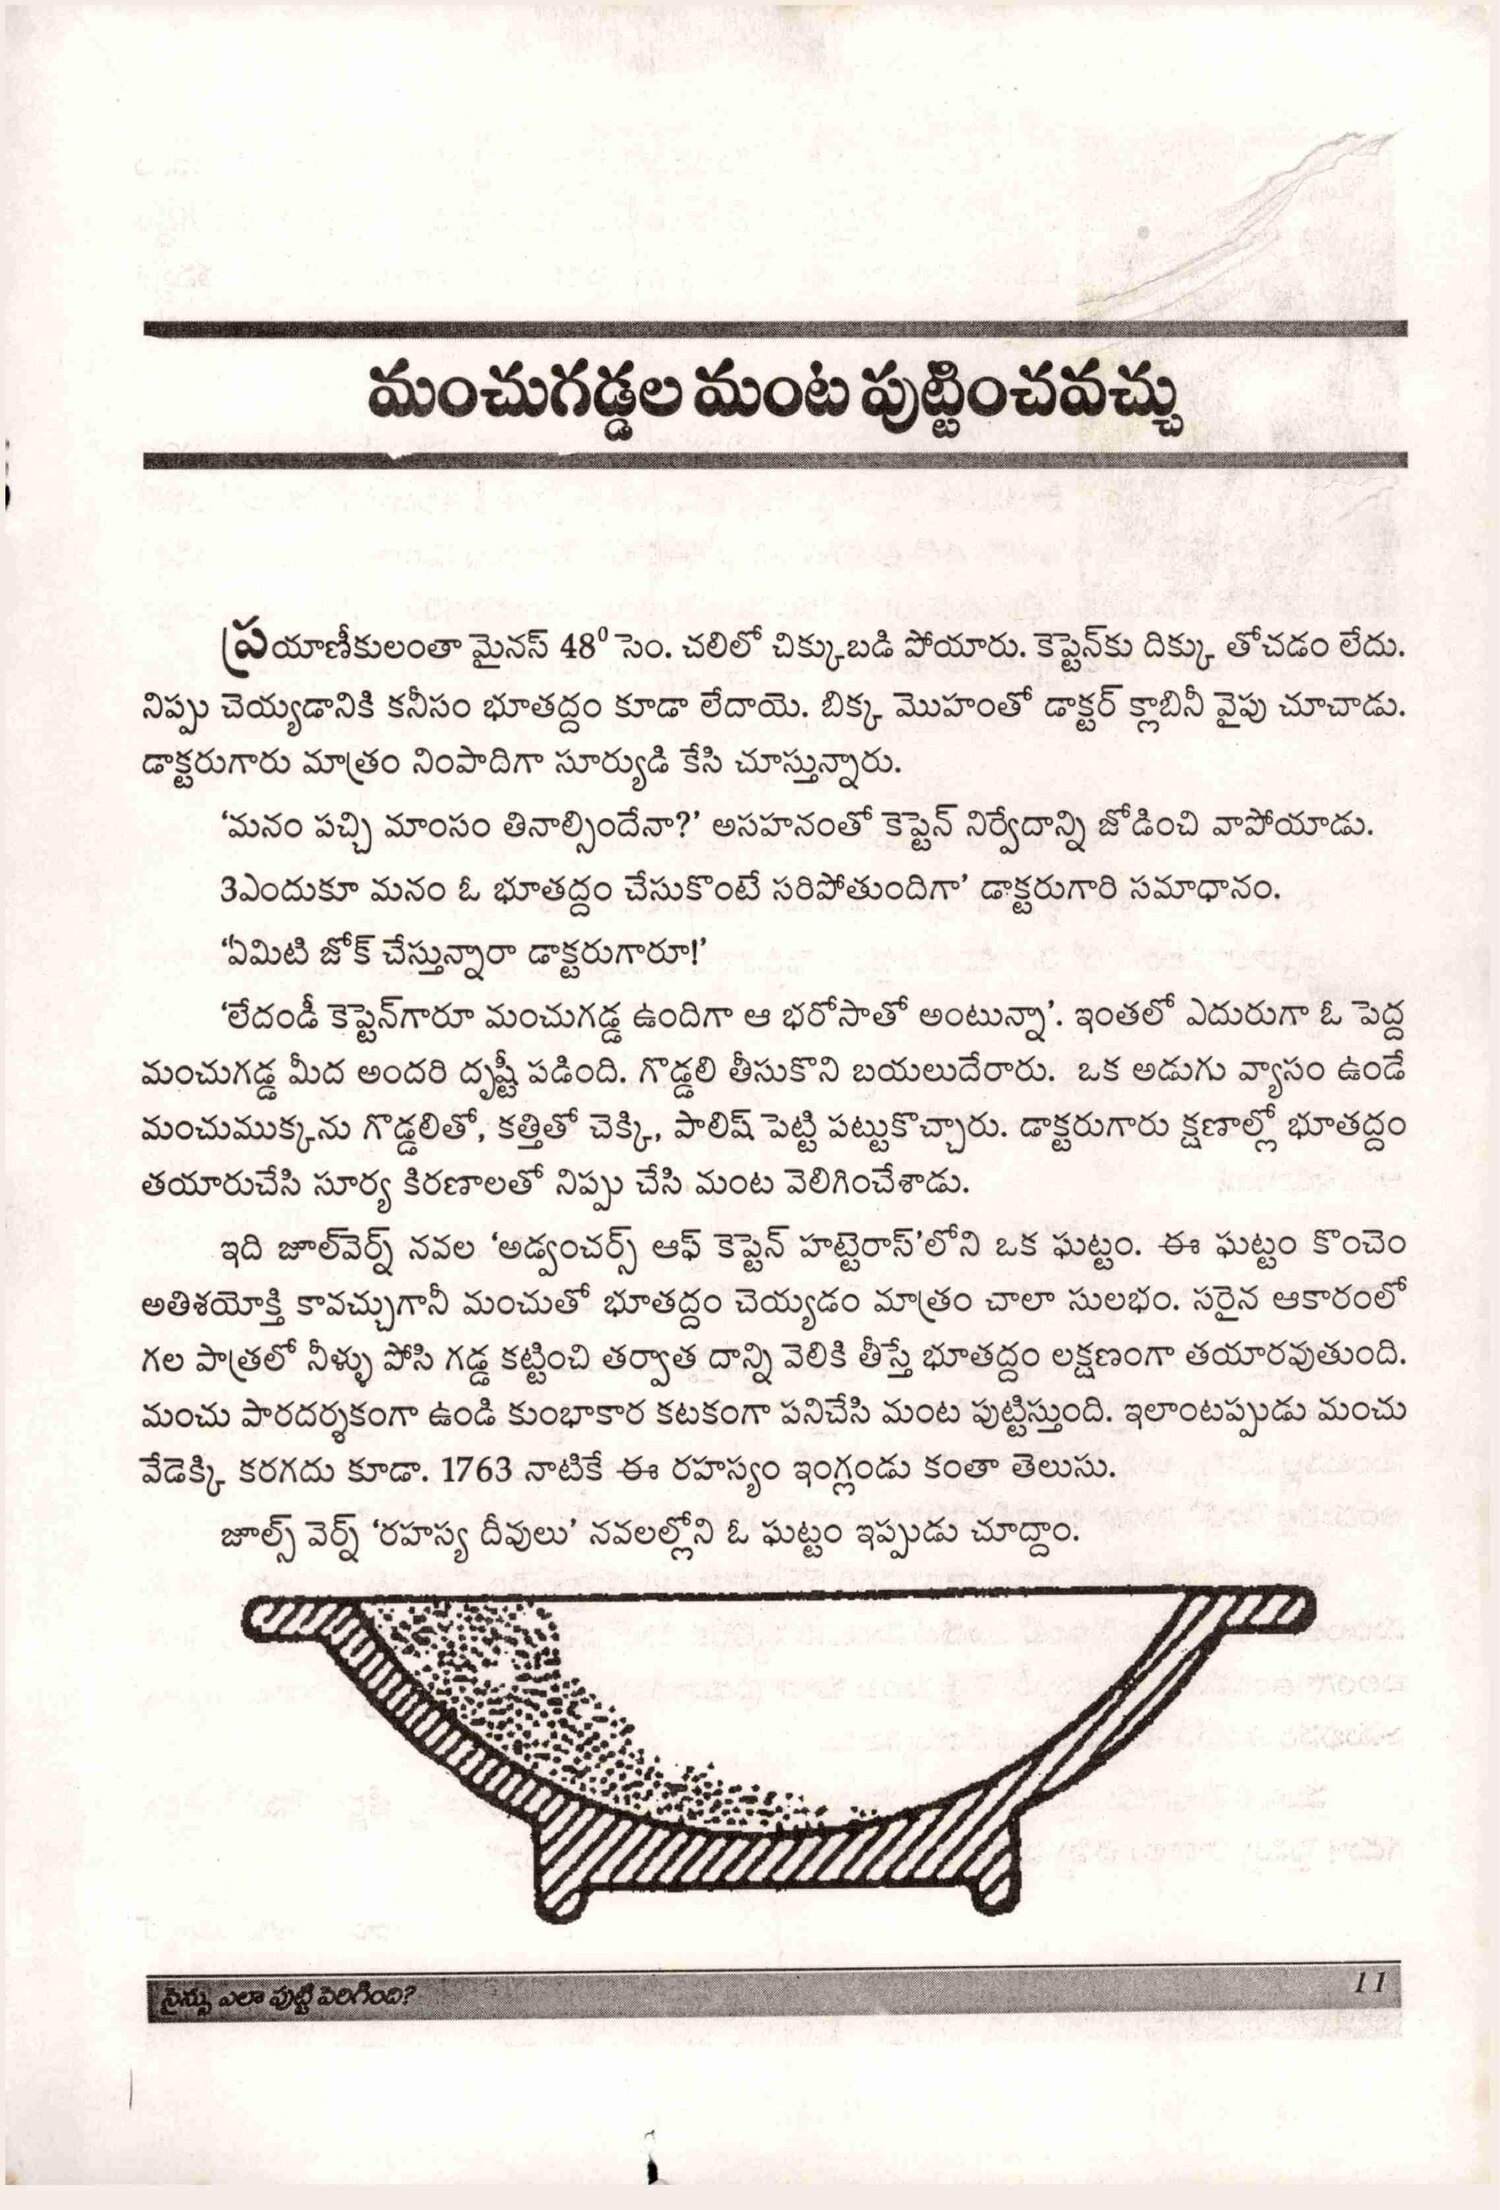మంచుగడ్డల మంట పుట్టించవచ్చు

ప్రయాణీకులంతా మైనస్ 48° సెం. చలిలో చిక్కుబడి పోయారు. కెప్టెన్‌కు దిక్కు తోచడం లేదు. నిప్పు చెయ్యడానికి కనీసం భూతద్దం కూడా లేదాయె. బిక్క మొహంతో డాక్టర్ క్లాబినీ వైపు చూచాడు. డాక్టరుగారు మాత్రం నింపాదిగా సూర్యుడి కేసి చూస్తున్నారు.

'మనం పచ్చి మాంసం తినాల్సిందేనా?' అసహనంతో కెప్టెన్ నిర్వేదాన్ని జోడించి వాపోయాడు.

3ఎందుకూ మనం ఓ భూతద్దం చేసుకొంటే సరిపోతుందిగా' డాక్టరుగారి సమాధానం.

'ఏమిటి జోక్ చేస్తున్నారా డాక్టరుగారూ!'

'లేదండీ కెప్టెన్‌గారూ మంచుగడ్డ ఉందిగా ఆ భరోసాతో అంటున్నా'. ఇంతలో ఎదురుగా ఓ పెద్ద మంచుగడ్డ మీద అందరి దృష్టీ పడింది. గొడ్డలి తీసుకొని బయలుదేరారు. ఒక అడుగు వ్యాసం ఉండే మంచుముక్కను గొడ్డలితో, కత్తితో చెక్కి, పాలిష్ పెట్టి పట్టుకొచ్చారు. డాక్టరుగారు క్షణాల్లో భూతద్దం తయారుచేసి సూర్య కిరణాలతో నిప్పు చేసి మంట వెలిగించేశాడు.

ఇది జూల్‌వెర్న్ నవల 'అడ్వంచర్స్ ఆఫ్ కెప్టెన్ హట్టెరాస్'లోని ఒక ఘట్టం. ఈ ఘట్టం కొంచెం అతిశయోక్తి కావచ్చుగానీ మంచుతో భూతద్దం చెయ్యడం మాత్రం చాలా సులభం. సరైన ఆకారంలో గల పాత్రలో నీళ్ళు పోసి గడ్డ కట్టించి తర్వాత దాన్ని వెలికి తీస్తే భూతద్దం లక్షణంగా తయారవుతుంది. మంచు పారదర్శకంగా ఉండి కుంభాకార కటకంగా పనిచేసి మంట పుట్టిస్తుంది. ఇలాంటప్పుడు మంచు వేడెక్కి కరగదు కూడా. 1763 నాటికే ఈ రహస్యం ఇంగ్లండు కంతా తెలుసు.

జూల్స్ వెర్న్ 'రహస్య దీవులు' నవలల్లోని ఓ ఘట్టం ఇప్పుడు చూద్దాం.